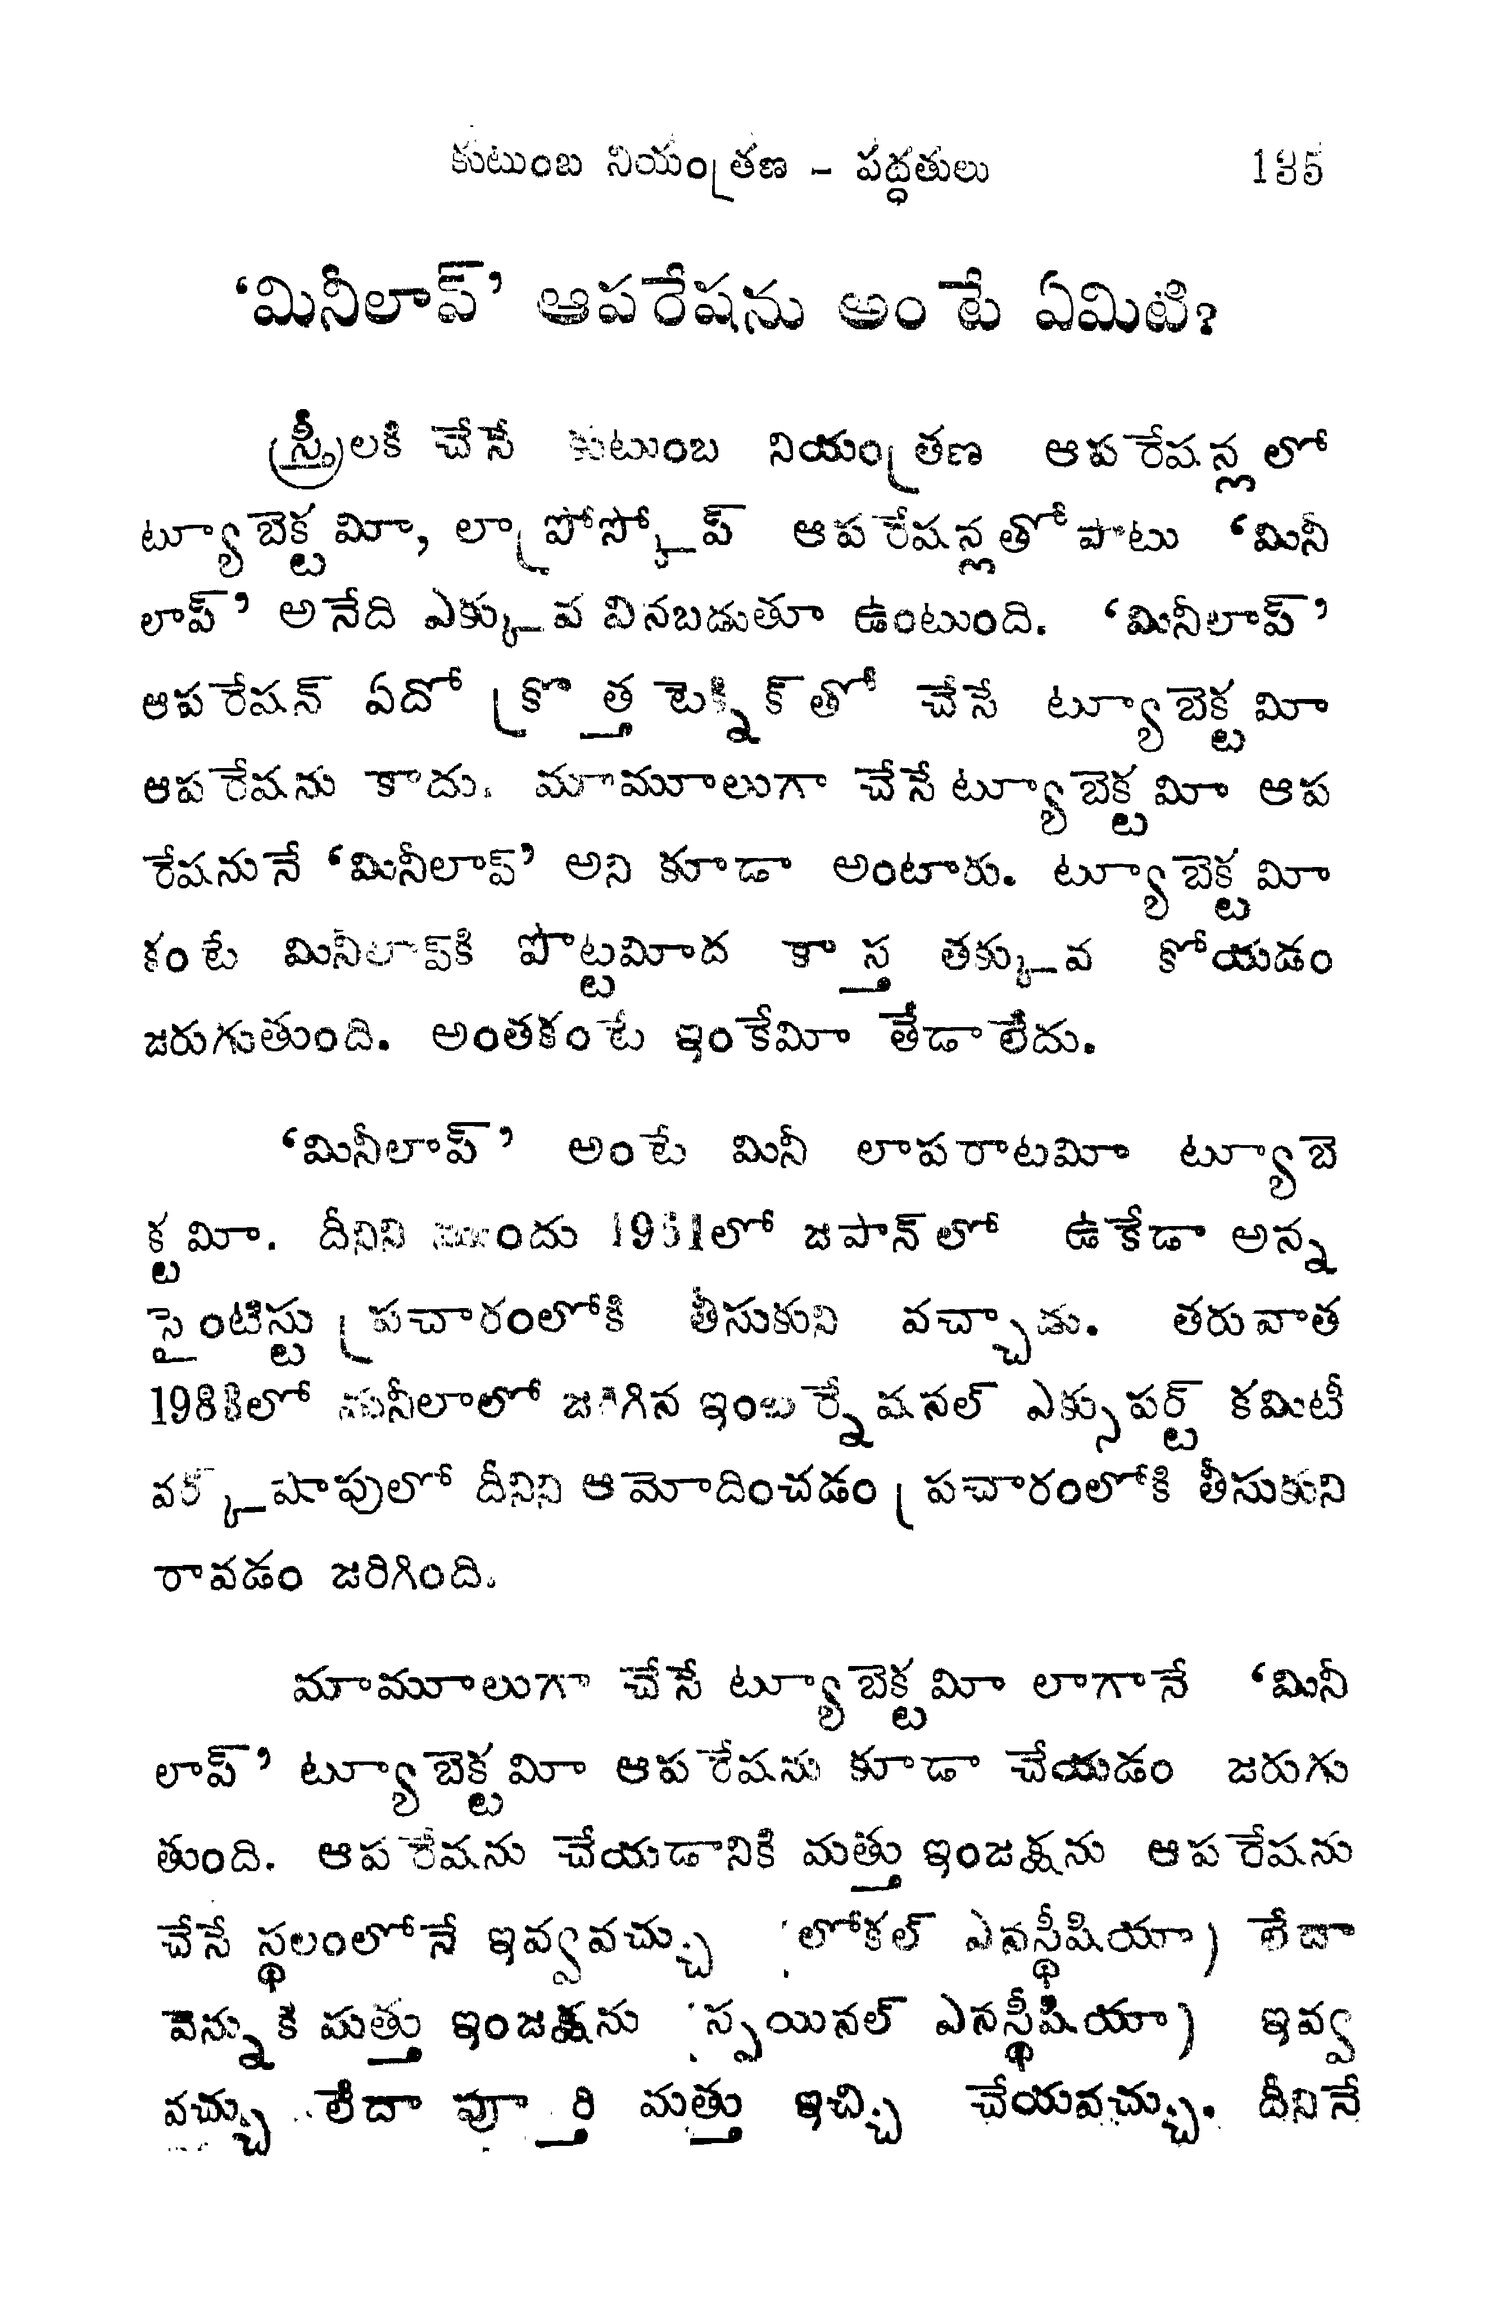స్త్రీలకు చేసే కుటుంబ నియంత్రణ ఆపరేషన్లలో ట్యూబెక్టమీ, లాప్రోస్కోప్ ఆపరేషన్లతో పాటు 'మినీ లాప్ ' ఆనేది ఎక్కువ వినబడుతూ ఉంటుంది. 'మినీ లాప్ ' ఆపరేషన్ ఏదో క్రొత్త టెక్నిక్ తో చేసే ట్యూబెక్టమీ ఆపరేషను కాదు. మామూలుగా చేసే ట్యూబెక్టమీ ఆపరేషనునే 'మినీలాప్ ' అని కూడా అంటారు. ట్యూబెక్టమీ కంటే మినీలాప్‌కి పొట్టమీద కాస్త తక్కువ కోయడం జరుగుతుంది. అంతకంటే ఇంకేమీ తేడాలేదు.

'మినీలాప్ ' అంటే మినీ లాపరాటమీ ట్యూబెక్టమీ, దీనిని ముందు 1951 లో జపాన్‌లో ఉకేడా అన్న సైంటిస్టు ప్రచారంలోకి తీసుకుని వచ్చాడు. తరువాత 1983 లో మనీలాలో జరిగిన ఇంటర్నేషనల్ ఎక్సుపర్ట్ కమిటీ వర్కు షాపులో దీనిని ఆమోదించడం ప్రచారంలోకి తీసుకుని రావడం జరిగింది.

మామూలుగా చేసే ట్యూబెక్టమీ లాగానే'మినీ లాప్ ' ట్యూబెక్టమీ ఆపరేషను కూడా ఛేయడం జరుగుతుంది. ఆపరేషను చేయడానికి మత్తు ఇంజక్షను ఆపరేషను చేసే స్థలంలోనే ఇవ్వవచ్చు. లోకల్ ఎనస్థీషియా (లేదా వెన్నుకి మత్తు ఇంజక్షను స్పయినల్ నెస్థీషియా) ఇవ్వవచ్చు లేదా పూర్తి మత్తు ఇచ్చి చేయవచ్చు. దీనినే